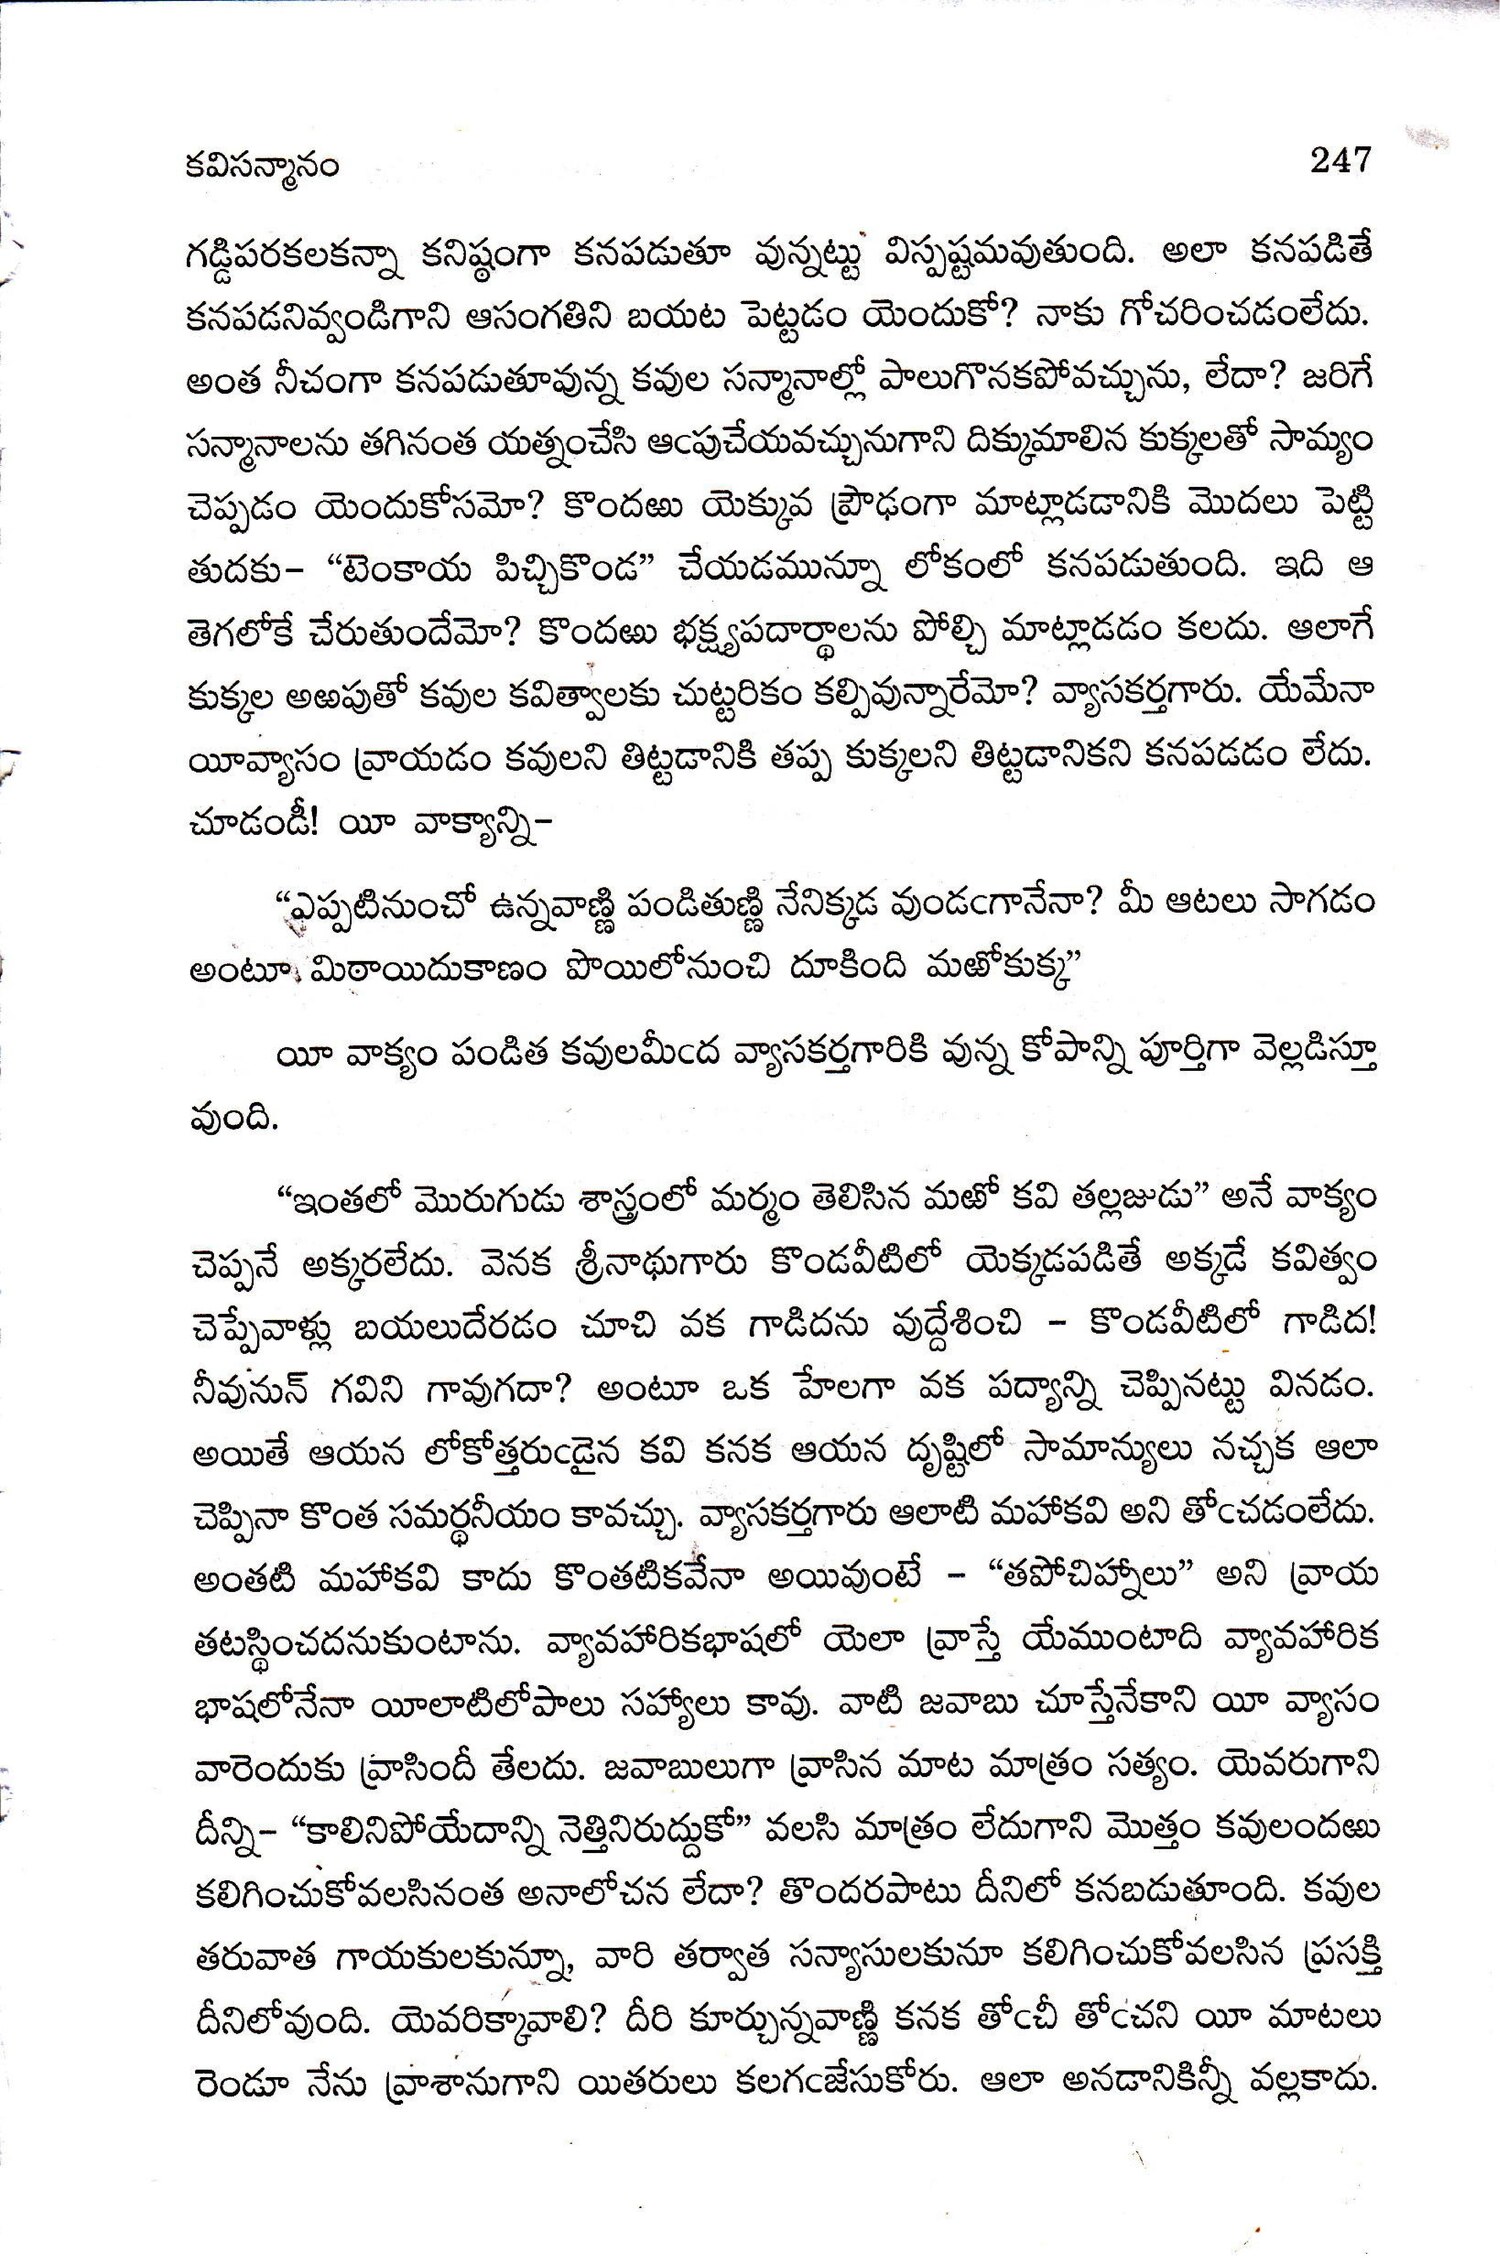గడ్డిపరకలకన్నా కనిష్ఠంగా కనపడుతూ వున్నట్టు విస్పష్టమవుతుంది. అలా కనపడితే కనపడనివ్వండిగాని ఆసంగతిని బయట పెట్టడం యెందుకో? నాకు గోచరించడంలేదు. అంత నీచంగా కనపడుతూవున్న కవుల సన్మానాల్లో పాలుగొనకపోవచ్చును, లేదా? జరిగే సన్మానాలను తగినంత యత్నంచేసి ఆఁపుచేయవచ్చునుగాని దిక్కుమాలిన కుక్కలతో సామ్యం చెప్పడం యెందుకోసమో? కొందఱు యెక్కువ ప్రౌఢంగా మాట్లాడడానికి మొదలు పెట్టి తుదకు- "టెంకాయ పిచ్చికొండ” చేయడమున్నూ లోకంలో కనపడుతుంది. ఇది ఆ తెగలోకే చేరుతుందేమో? కొందఱు భక్ష్యపదార్థాలను పోల్చి మాట్లాడడం కలదు. ఆలాగే కుక్కల అఱపుతో కవుల కవిత్వాలకు చుట్టరికం కల్పివున్నారేమో? వ్యాసకర్తగారు. యేమేనా యీవ్యాసం వ్రాయడం కవులని తిట్టడానికి తప్ప కుక్కలని తిట్టడానికని కనపడడం లేదు. చూడండీ! యీ వాక్యాన్ని

“ఎప్పటినుంచో ఉన్నవాణ్ణి పండితుణ్ణి నేనిక్కడ వుండఁగానేనా? మీ ఆటలు సాగడం అంటూ, మిఠాయిదుకాణం పొయిలోనుంచి దూకింది మఱోకుక్క"

యీ వాక్యం పండిత కవులమీఁద వ్యాసకర్తగారికి వున్న కోపాన్ని పూర్తిగా వెల్లడిస్తూ వుంది.

“ఇంతలో మొరుగుడు శాస్త్రంలో మర్మం తెలిసిన మఱో కవి తల్లజుడు" అనే వాక్యం చెప్పనే అక్కరలేదు. వెనక శ్రీనాథుగారు కొండవీటిలో యెక్కడపడితే అక్కడే కవిత్వం చెప్పేవాళ్లు బయలుదేరడం చూచి వక గాడిదను వుద్దేశించి - కొండవీటిలో గాడిద! నీవునున్ గవిని గావుగదా? అంటూ ఒక హేలగా వక పద్యాన్ని చెప్పినట్టు వినడం. అయితే ఆయన లోకోత్తరుఁడైన కవి కనక ఆయన దృష్టిలో సామాన్యులు నచ్చక ఆలా చెప్పినా కొంత సమర్థనీయం కావచ్చు. వ్యాసకర్తగారు ఆలాటి మహాకవి అని తోఁచడంలేదు. అంతటి మహాకవి కాదు కొంతటికవేనా అయివుంటే - “తపోచిహ్నాలు” అని వ్రాయ తటస్థించదనుకుంటాను. వ్యావహారికభాషలో యెలా వ్రాస్తే యేముంటాది వ్యావహారిక భాషలోనేనా యీలాటిలోపాలు సహ్యాలు కావు. వాటి జవాబు చూస్తేనేకాని యీ వ్యాసం వారెందుకు వ్రాసిందీ తేలదు. జవాబులుగా వ్రాసిన మాట మాత్రం సత్యం. యెవరుగాని దీన్ని- "కాలినిపోయేదాన్ని నెత్తినిరుద్దుకో" వలసి మాత్రం లేదుగాని మొత్తం కవులందఱు కలిగించుకోవలసినంత అనాలోచన లేదా? తొందరపాటు దీనిలో కనబడుతూంది. కవుల తరువాత గాయకులకున్నూ వారి తర్వాత సన్యాసులకునూ కలిగించుకోవలసిన ప్రసక్తి దీనిలోవుంది. యెవరిక్కావాలి? దీరి కూర్చున్నవాణ్ణి కనక తోఁచీ తోఁచని యీ మాటలు రెండూ నేను వ్రాశానుగాని యితరులు కలగఁజేసుకోరు. ఆలా అనడానికిన్నీ వల్లకాదు.